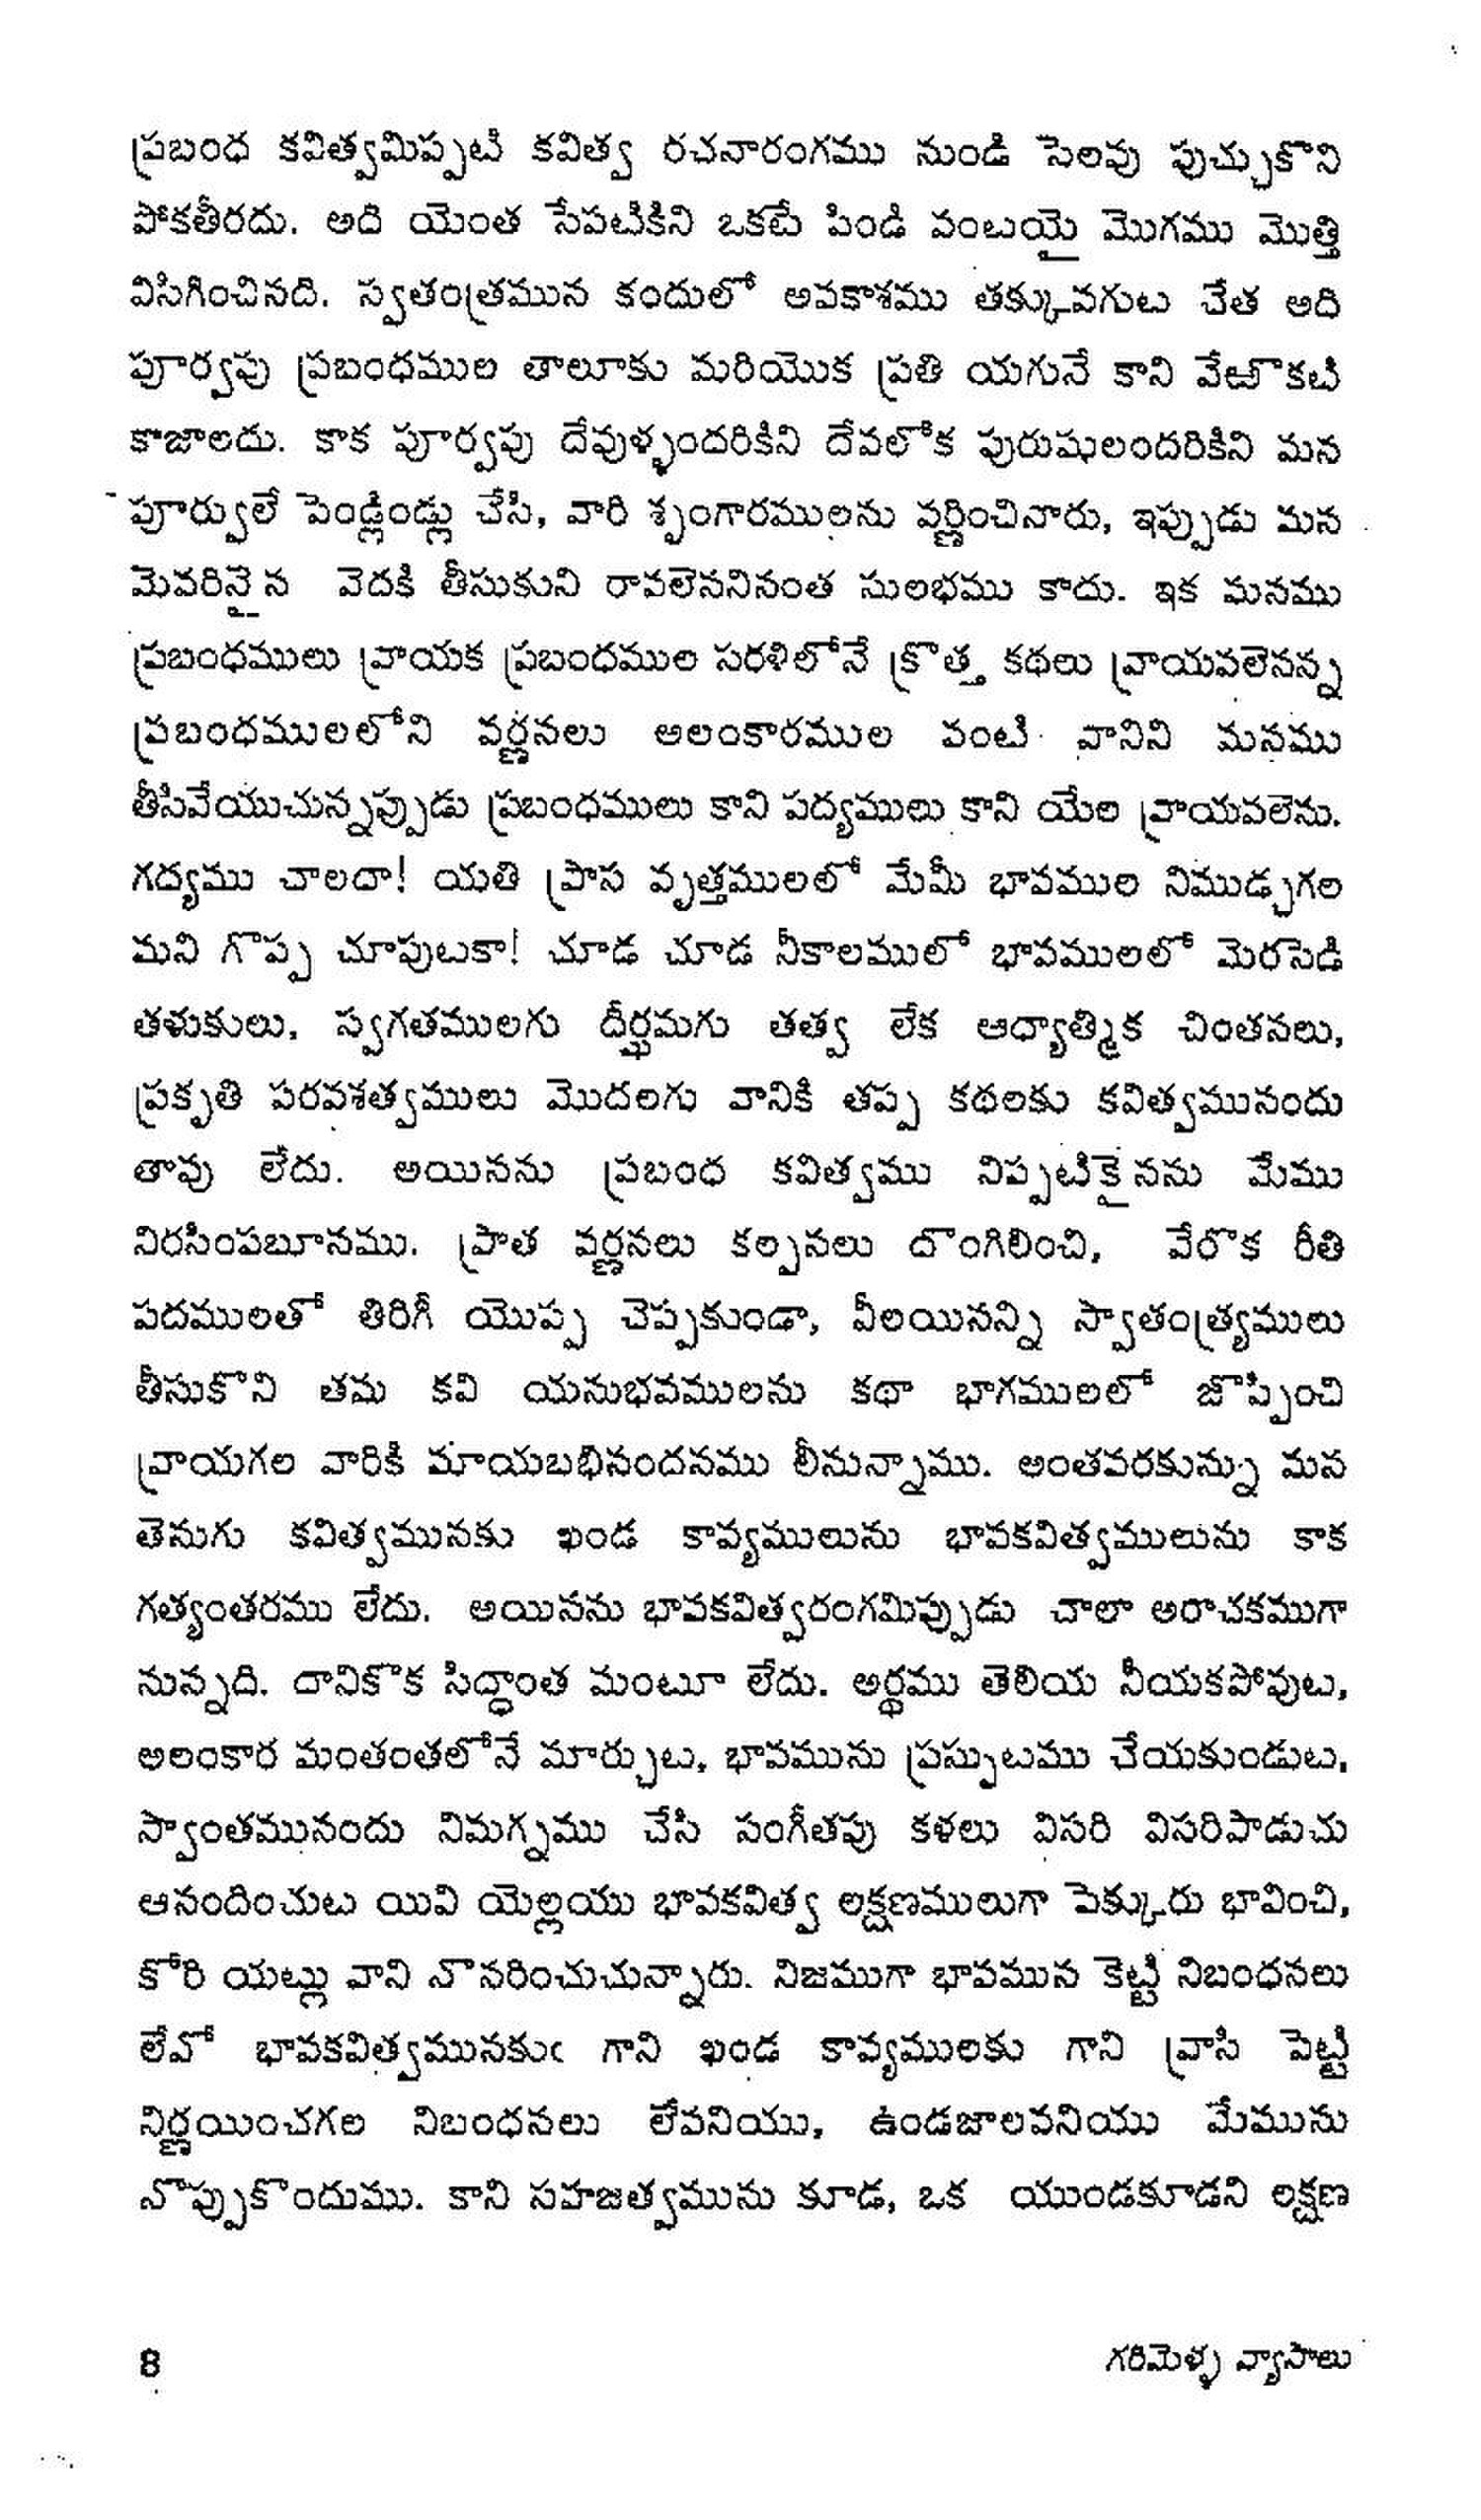ప్రబంధ కవిత్వమిప్పటి కవిత్వ రచనారంగము నుండి సెలవు పుచ్చుకొని పోకతీరదు. అది యెంత సేపటికిని ఒకటే పిండి వంటయై మొగము మొత్తి విసిగించినది. స్వతంత్రమున కందులో అవకాశము తక్కువగుట చేత అది పూర్వపు ప్రబంధముల తాలూకు మరియొక ప్రతి యగునే కాని వేఱొకటి కాజాలదు. కాక పూర్వపు దేవుళ్లందరికిని దేవలోక పురుషులందరికిని మన పూర్వులే పెండ్లిండ్లు చేసి, వారి శృంగారములను వర్ణించినారు. ఇప్పుడు మన మెవరినైన వెదకి తీసుకుని రావలెననింత సులభము కాదు. ఇక మనము ప్రబంధములు వ్రాయక ప్రబంధముల సరళిలోనే క్రొత్త కథలు వ్రాయవలెనన్న ప్రబంధములలోని వర్ణనలు అలంకారముల వంటి వానిని మనము తీసివేయుచున్నప్పుడు ప్రబంధములు కాని పద్యములు కాని యేల వ్రాయవలెను. గద్యము చాలదా! యతి ప్రాస వృత్తములలో మేమీ భావముల నిముడ్చగలమని గొప్ప చూపుటకా! చూడ చూడ నీకాలములో భావములలో మెరసెడి తళుకులు, స్వగతములగు దీర్ఘమగు తత్వ లేక ఆధ్యాత్మిక చింతనలు, ప్రకృతి పరవశత్వములు మొదలగు వానికి తప్ప కథలకు కవిత్వమునందు తావు లేదు. అయినను ప్రబంధ కవిత్వము నిప్పటికైనను మేము నిరసింపబూనము. ప్రాత వర్ణనలు కల్పనలు దొంగిలించి, వేరొక రీతి పదములతో తిరిగి యొప్ప చెప్పకుండా, వీలయినన్ని స్వాతంత్యములు తీసుకొని తమ కవి యనుభవములను కథా భాగములలో జొప్పించి వ్రాయగల వారికి మాయభినందనము లీనున్నాము. అంతవరకున్ను మన తెనుగు కవిత్వమునకు ఖండ కావ్యములును భావకవిత్వములును కాక గత్యంతరము లేదు. అయినను భావకవిత్వరంగమిప్పుడు చాలా అరాచకముగా నున్నది. దానికొక సిద్ధాంత మంటూ లేదు. అర్థము తెలియ నీయకపోవుట, అలంకార మంతంతలోనే మార్పుట, భావమును ప్రస్పుటము చేయకుండుట, స్వాంతమునందు నిమగ్నము చేసి సంగీతపు కళలు విసరి విసరిపాడుచు ఆనందించుట యివి యెల్లయు భావకవిత్వ లక్షణములుగా పెక్కురు భావించి, కోరి యట్లు వాని నొనరించుచున్నారు. నిజముగా భావమున కెట్టి నిబంధనలు లేవో భావకవిత్వమునకుఁ గాని ఖండ కావ్యములకు గాని వ్రాసి పెట్టి నిర్ణయించగల నిమంధనలు లేవనియు, ఉండజాలవనియు మేమును నొప్పుకొందుము. కాని సహజత్వమును కూడ, ఒక యుండకూడని లక్షణ